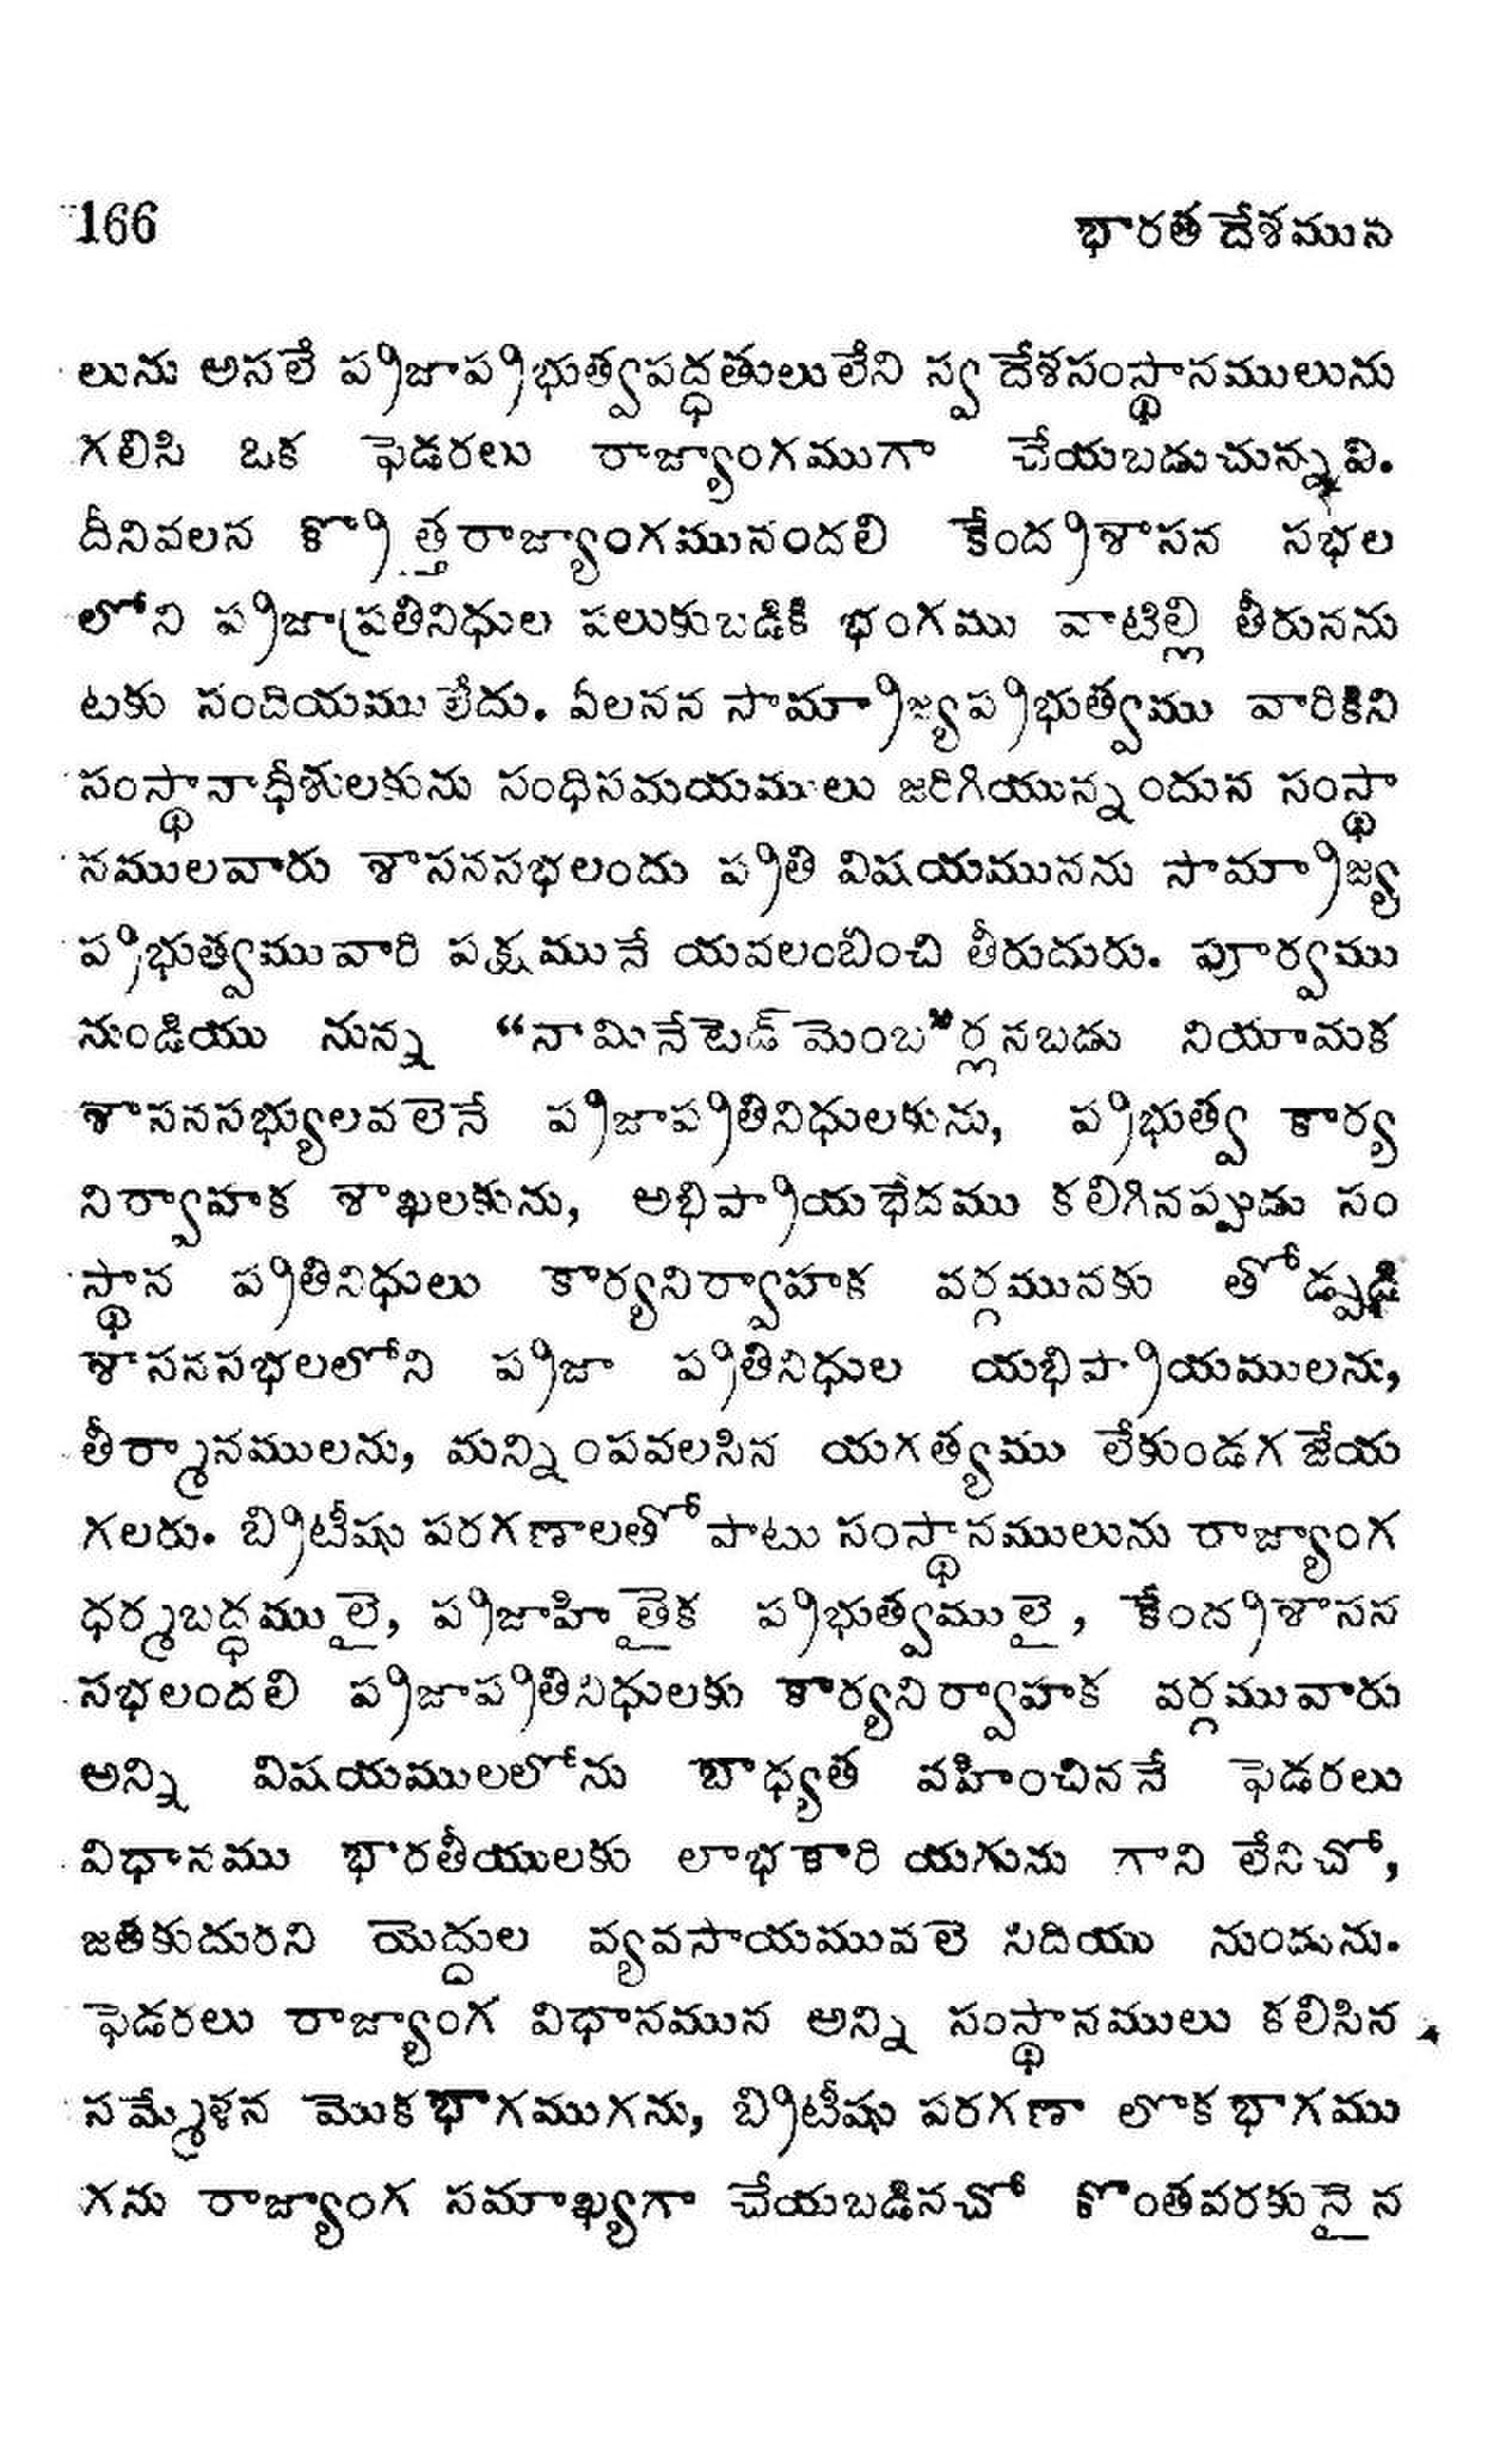లును అసలే ప్రజాప్రభుత్వపద్ధతులులేని స్వదేశసంస్థానములును గలిసి ఒక ఫెడరలు రాజ్యాంగముగా చేయబడుచున్నవి. దీనివలన క్రొత్తరాజ్యాంగమునందలి కేంద్రశాసన సభలలోని ప్రజాప్రతినిధుల పలుకుబడికి భంగము వాటిల్లి తీరుననుటకు సందియములేదు. ఏలనన సామ్రాజ్యప్రభుత్వము వారికిని సంస్థానాధీశులకును సంధిసమయములు జరిగియున్నందున సంస్థానములవారు శాసనసభలందు ప్రతి విషయమునను సామ్రాజ్య ప్రభుత్వమువారి పక్షమునే యవలంబించి తీరుదురు. పూర్వమునుండియు నున్న “నామినేటెడ్ మెంబర్ల"నబడు నియామక శాసనసభ్యులవలెనే ప్రజాప్రతినిధులకును, ప్రభుత్వ కార్యనిర్వాహక శాఖలకును, అభిప్రాయభేదము కలిగినప్పుడు సంస్థాన ప్రతినిధులు కార్యనిర్వాహక వర్గమునకు తోడ్పడి శాసనసభలలోని ప్రజా ప్రతినిధుల యభిప్రాయములను, తీర్మానములను, మన్నింపవలసిన యగత్యము లేకుండగ జేయగలరు. బ్రిటీషు పరగణాలతోపాటు సంస్థానములును రాజ్యాంగ ధర్మబద్దములై, ప్రజాహితైక ప్రభుత్వములై, కేంద్రశాసన సభలందలి ప్రజాప్రతినిధులకు కార్యనిర్వాహక వర్గమువారు అన్ని విషయములలోను బాధ్యత వహించిననే ఫెడరలు విధానము భారతీయులకు లాభకారి యగును గాని లేనిచో, జతకుదురని యెద్దుల వ్యవసాయమువలె నిదియు నుండును. ఫెడరలు రాజ్యాంగ విధానమున అన్ని సంస్థానములు కలిసిన సమ్మేళన మొకభాగముగను, బ్రిటీషు పరగణా లొకభాగముగను రాజ్యాంగ సమాఖ్యగా చేయబడినచో కొంతవరకునైన